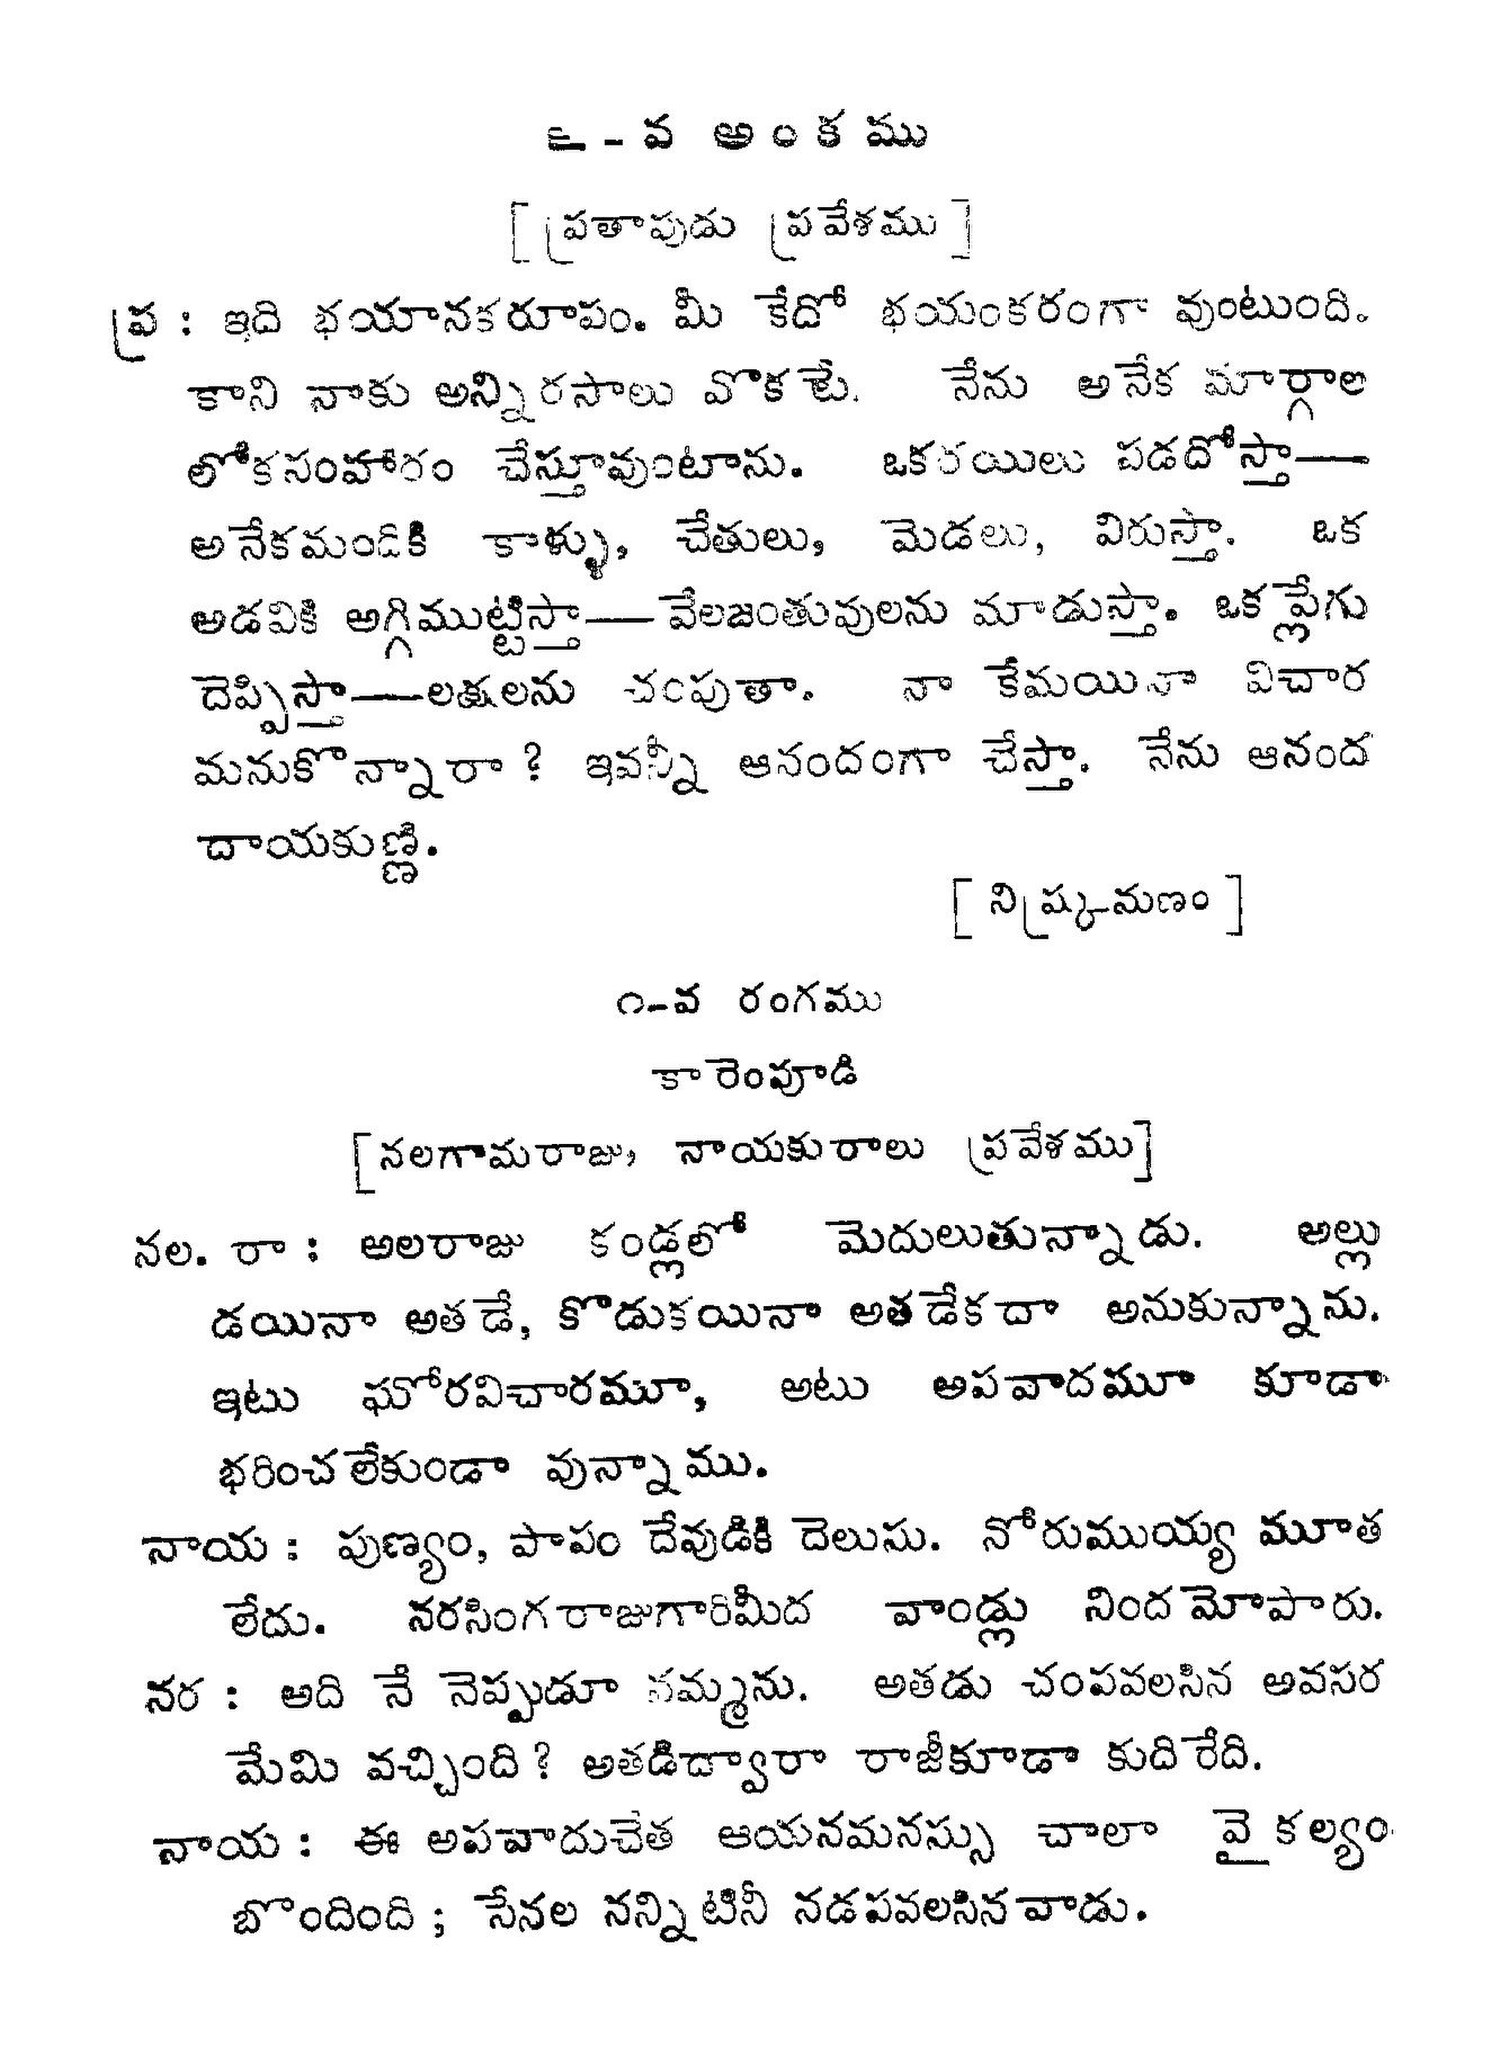ప్ర : ఇది భయానకరూపం. మీ కేదో భయంకరంగా వుంటుంది. కాని నాకు అన్నిరసాలు వొకటే. నేను అనేక మార్గాల లోకసంహారం చేస్తూవుంటాను. ఒకరయిలు పడదోస్తా -- అనేకమందికి కాళ్ళు, చేతులు, మెడలు, విరుస్తా. ఒక అడవికి అగ్గిముట్టిస్తా — వేలజంతువులను మాడుస్తా. ఒకప్లేగు
దెప్పిస్తా - లక్షులను చంపుతా. నా కేమయినా విచారమనుకొన్నారా ? ఇవన్నీ ఆనందంగా చేస్తా. నేను ఆనంద దాయకుణ్ణి.

నల. రా : అలరాజు కండ్లలో మెదులుతున్నాడు. అల్లు డయినా అతడే, కొడుకయినా అతడేకదా అనుకున్నాను. ఇటు ఘోరవిచారమూ, అటు అపవాదమూ కూడా భరించలేకుండా వున్నాము.

నాయ : పుణ్యం, పాపం దేవుడికి దెలుసు. నోరుముయ్య మూతలేదు. నరసింగరాజుగారిమీద
వాండ్లు నిందమోపారు.

నర : అది నే నెప్పుడూ నమ్మను. అతడు చంపవలసిన అవసర మేమి వచ్చింది ? అతడిద్వారా రాజీకూడా కుదిరేది.

నాయ : ఈ అపవాదుచేత ఆయనమనస్సు చాలా వైకల్యం బొందింది ; సేనల నన్నిటినీ నడపవలసిన వాడు.